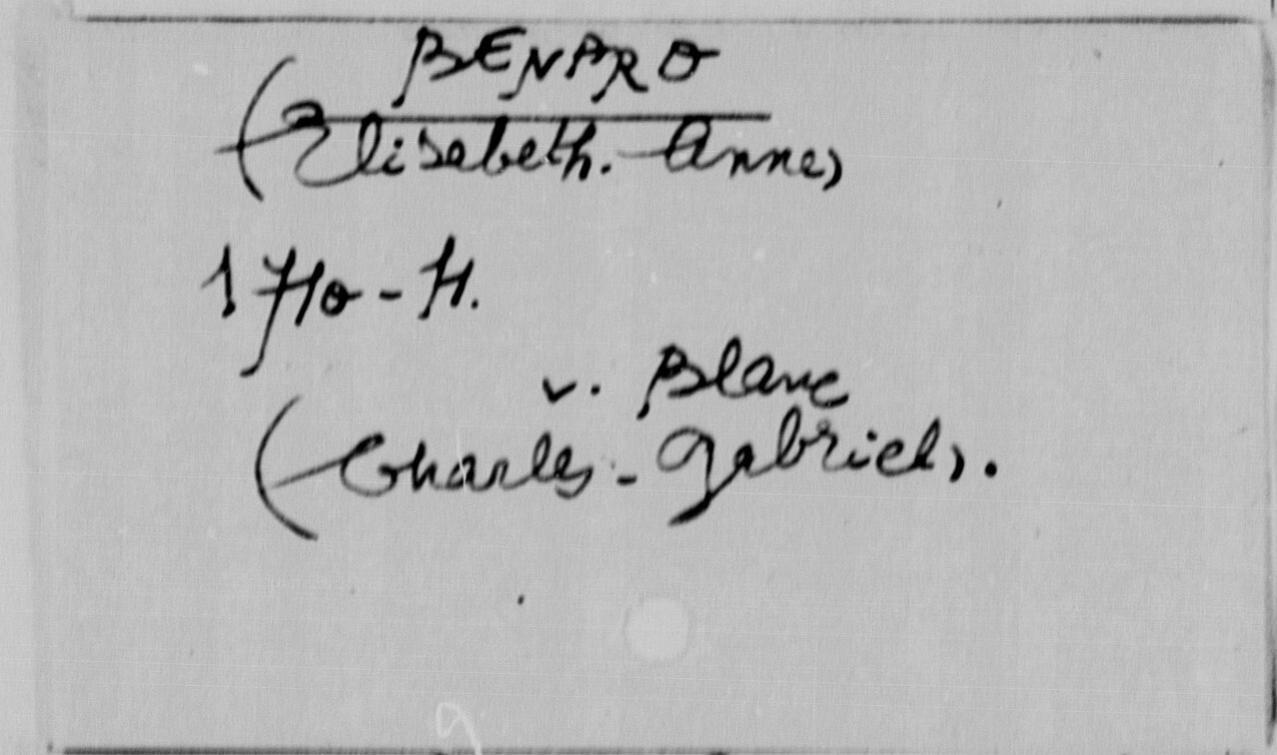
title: BENARD (Élisabeth Anne)
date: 1710-1711
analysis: Voir Blanc (Charles-Gabriel)
